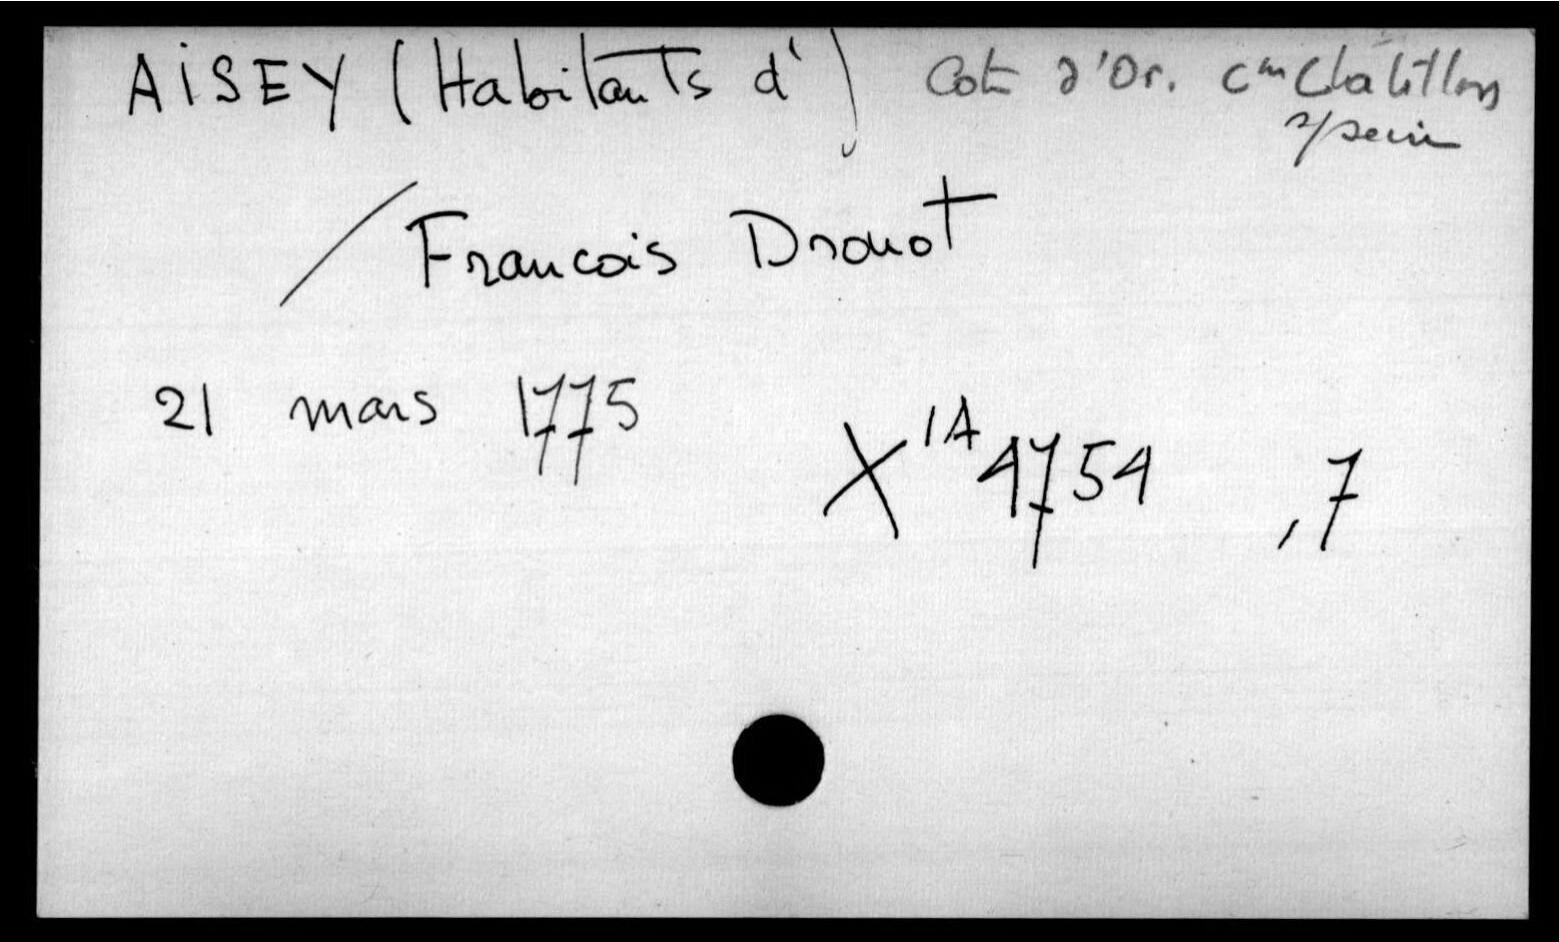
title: AISEY (Habitants d') Côte d'Or. commune Châtillon sur Seine
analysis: Contre François Drouot
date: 21 mars 1775
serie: X1A
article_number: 4754
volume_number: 7
